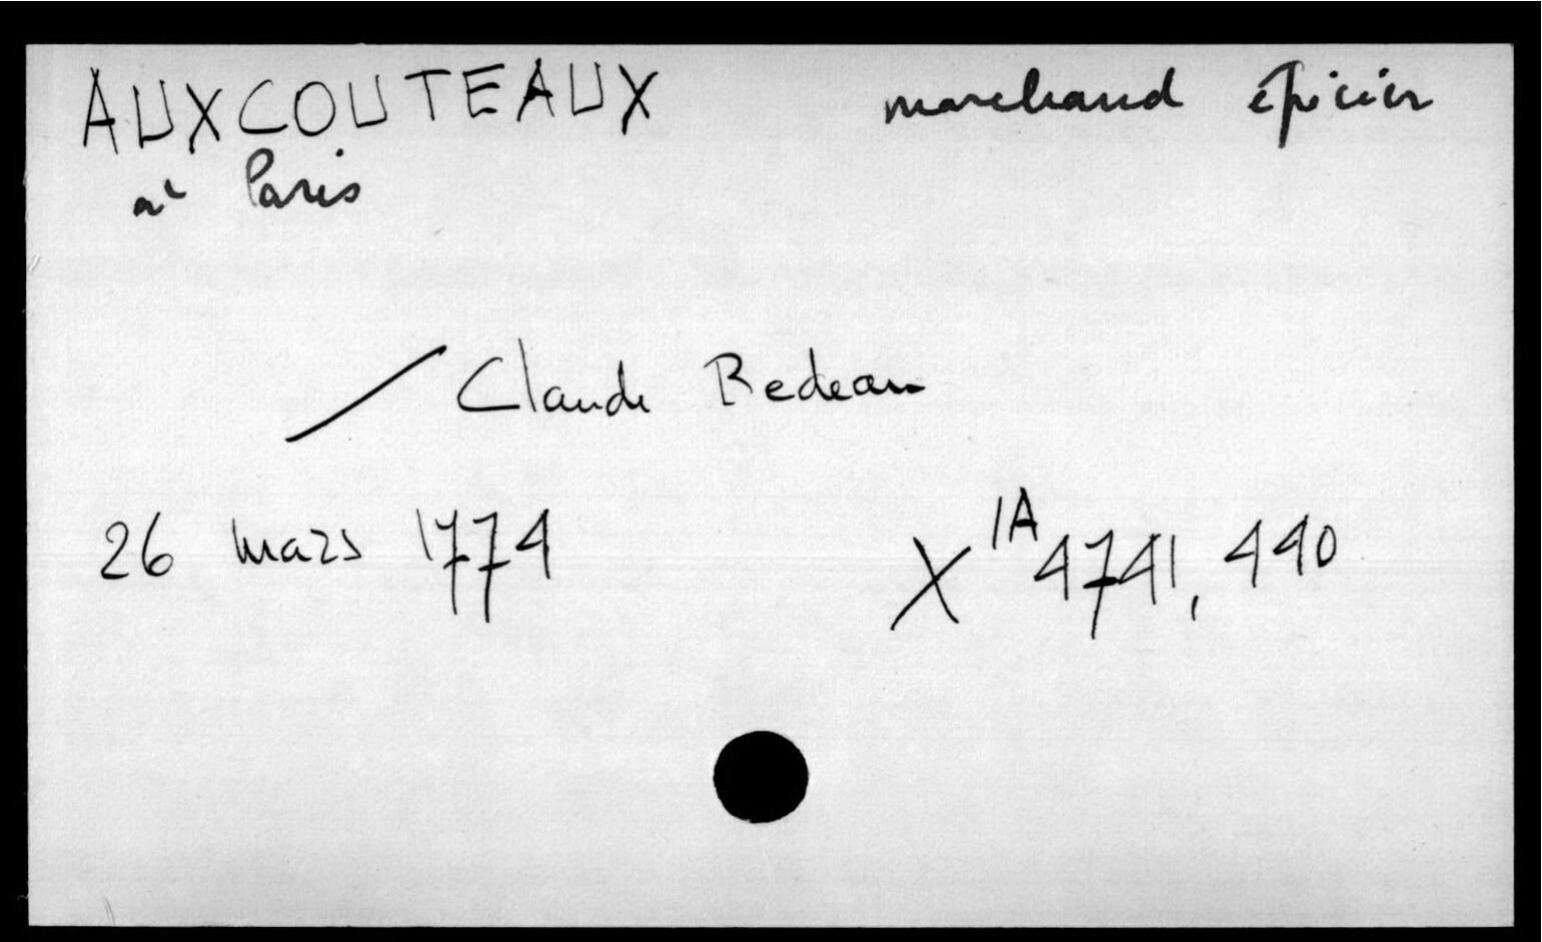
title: AUCOUTEAUX marchand épicier à Paris
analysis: Contre Claude Bedeau
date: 26 mars 1774
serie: X1A
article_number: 4741
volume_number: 440
